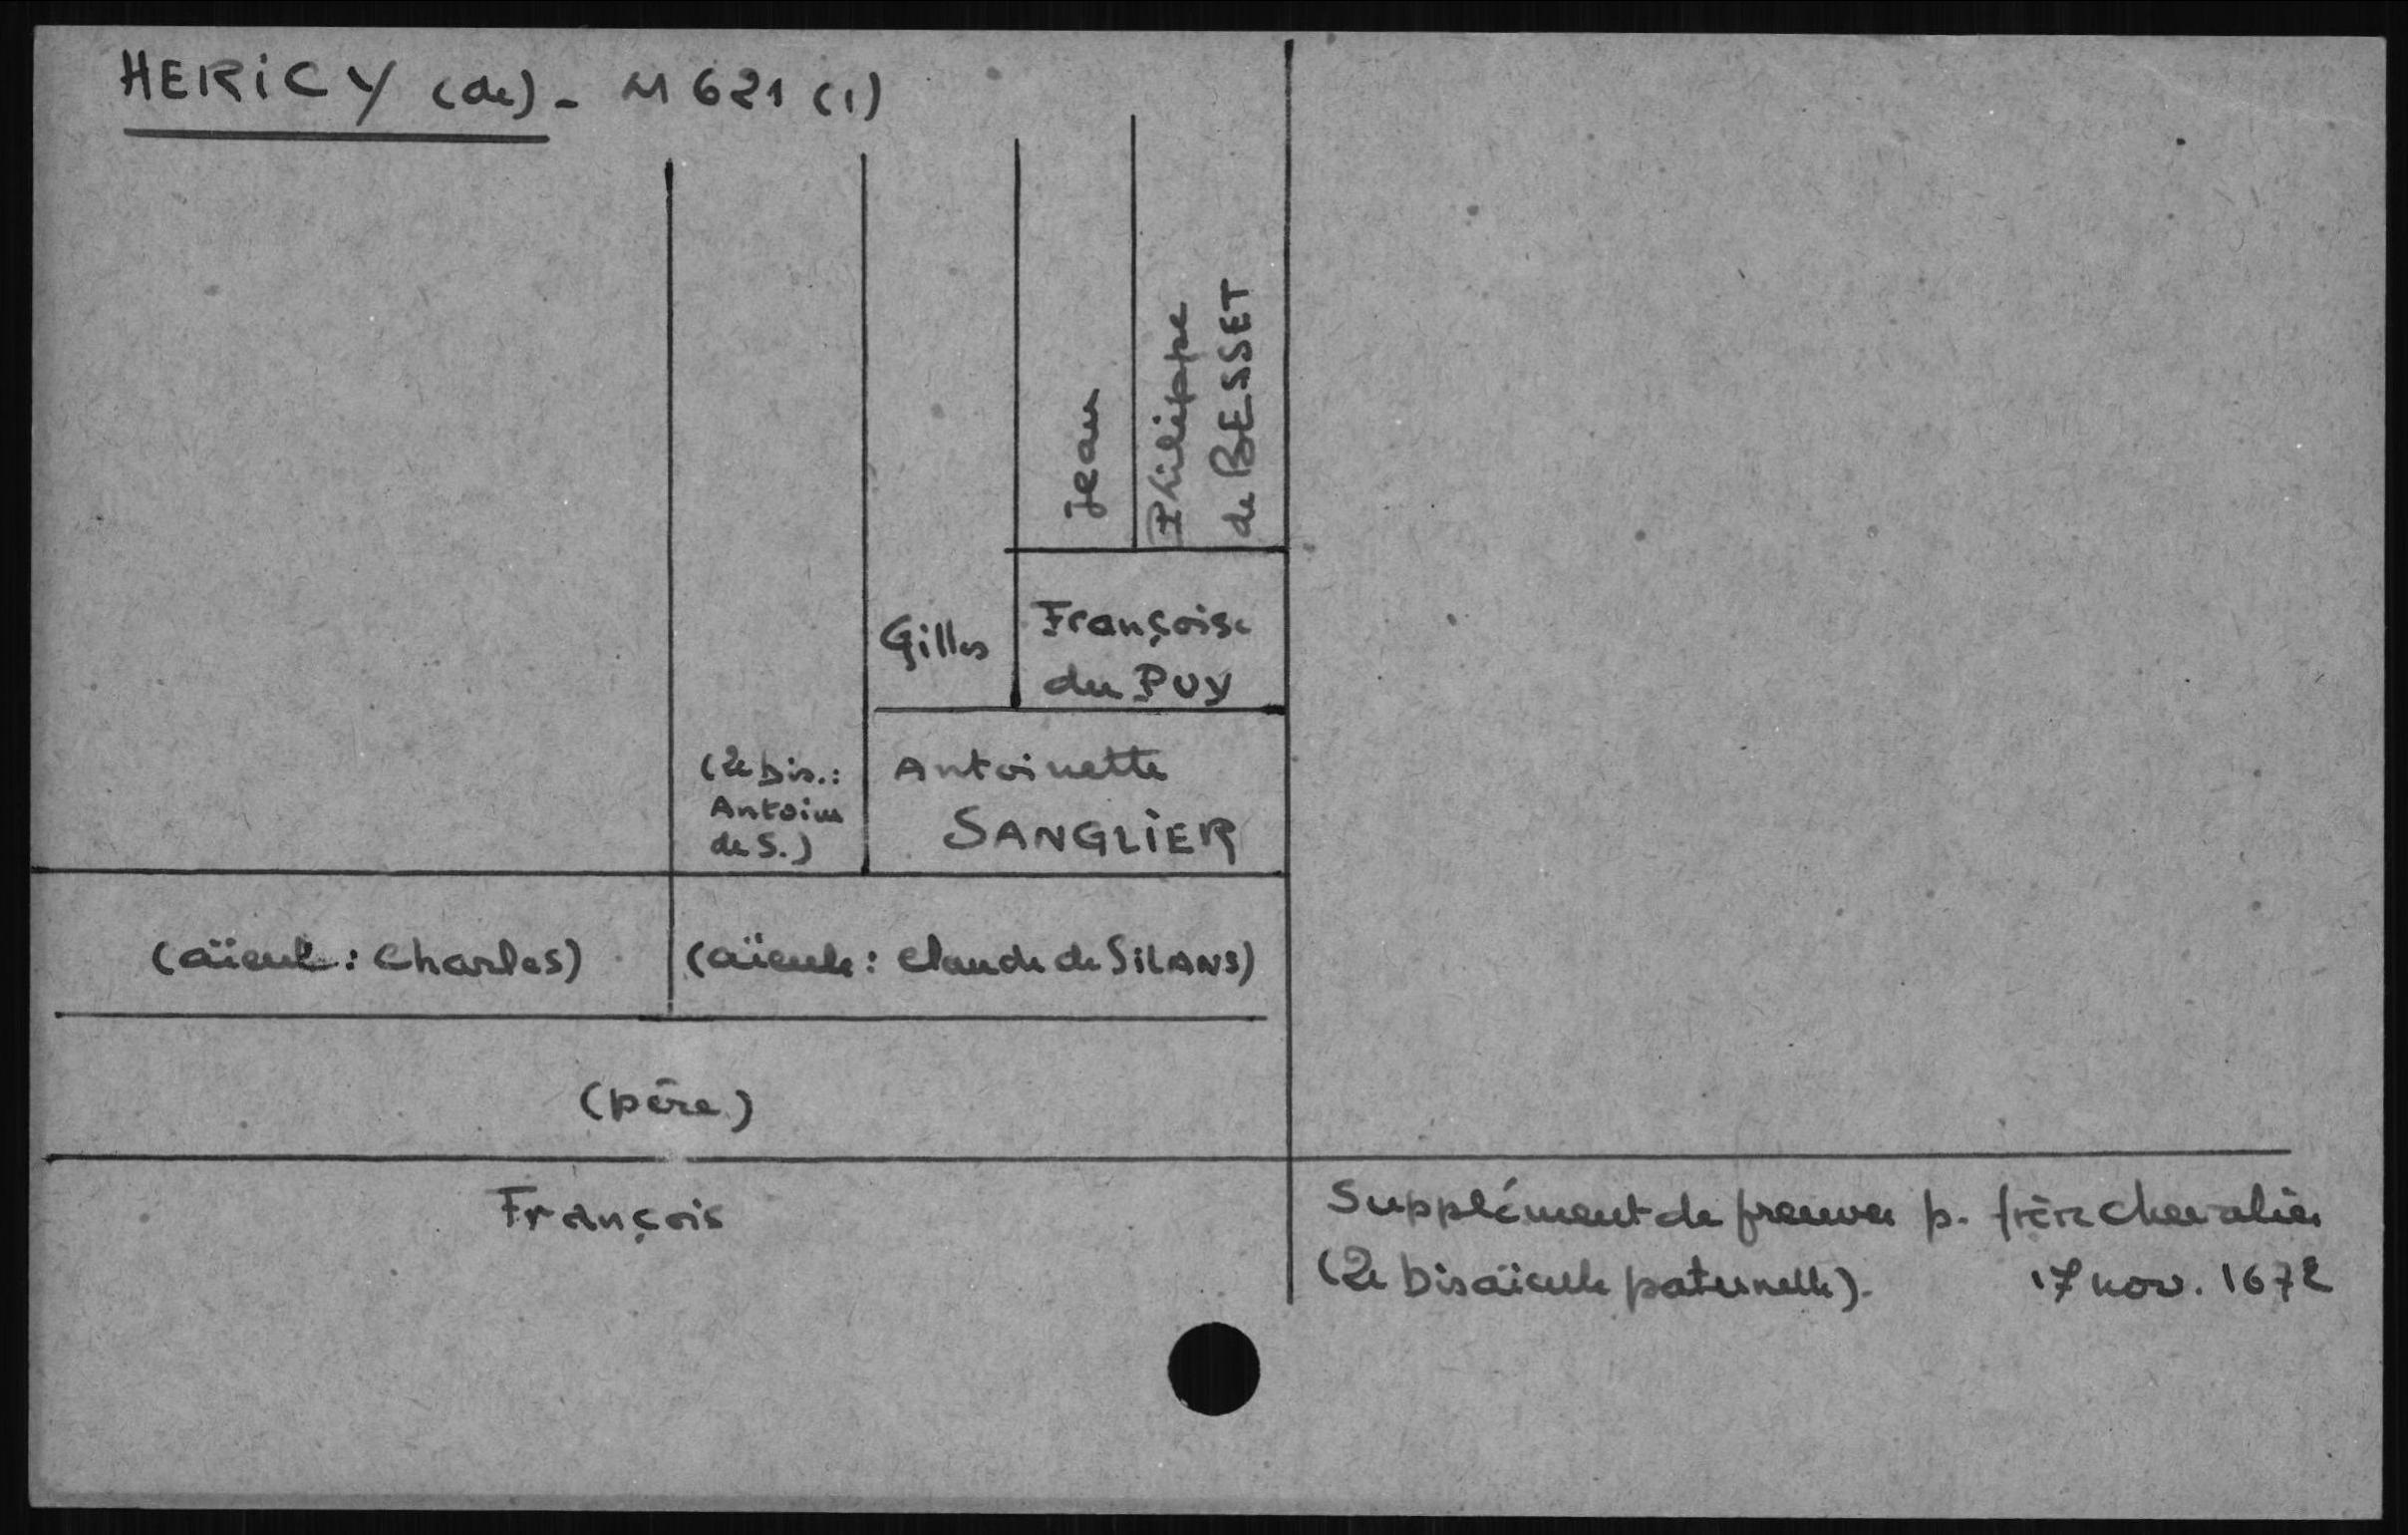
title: HÉRICY (de)
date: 17 novembre 1672
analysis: Supplément de preuves pour frère chevalier (2e bisaïeule paternelle)
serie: M
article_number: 621
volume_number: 1
